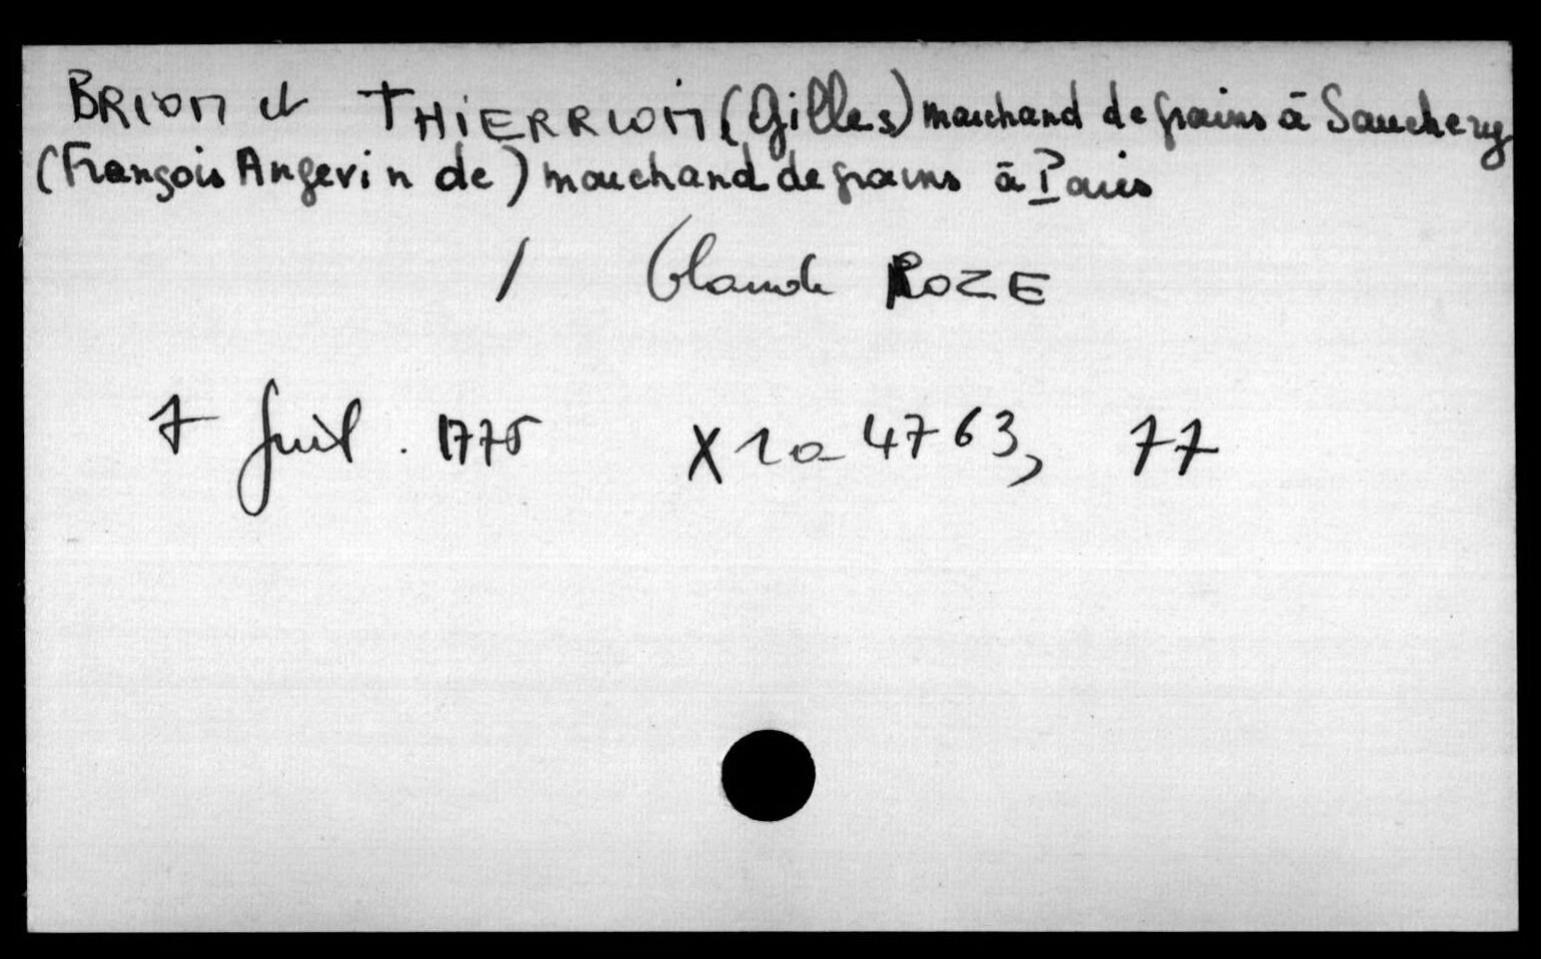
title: BRION (François Angevin de ) et THIERRIOI (Gilles) marchand de grains à Sauchery (François Angevin de) marchand de grains à Paris
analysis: Contre Claude Roze
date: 7 juillet 1775
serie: X1a
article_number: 4763
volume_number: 77
